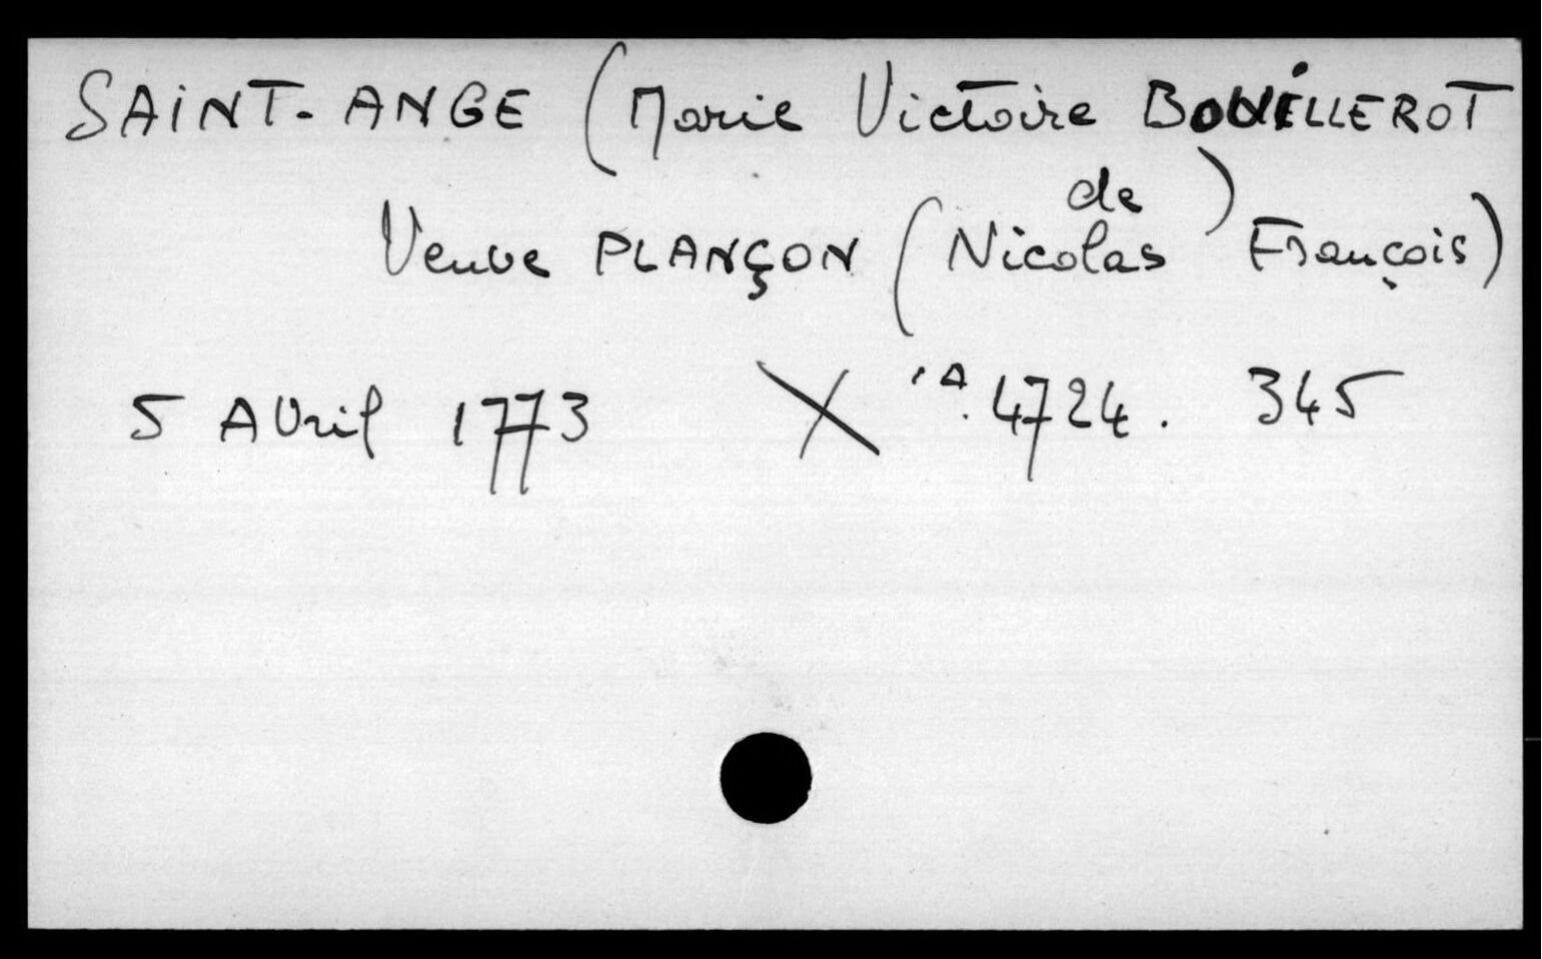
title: SAINT-ANGE (Marie Victoire BOUILLEROT de) Veuve PLANÇON (Nicolas François)
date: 5 avril 1773
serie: X1A
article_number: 4724
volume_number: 345
